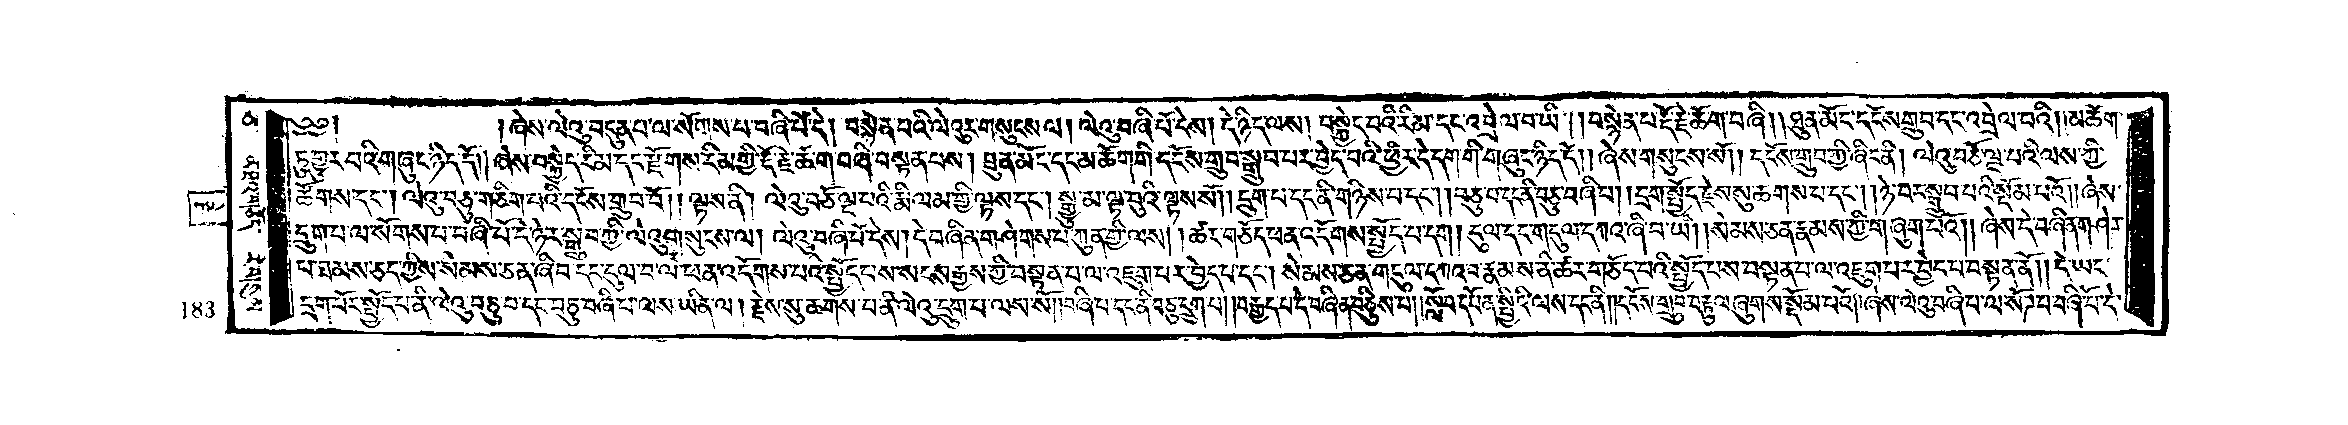༄༅། །ཞེས་ལེའུ་བདུན་པ་ལ་སོགས་པ་བཞི་པོ་དེ། བསྙེན་པའི་ལེའུར་གསུངས་ལ། ལེའུ་བཞི་པོ་དེས། དེ་ཉིད་ལས། བསྐྱེད་པའི་རིམ་དང་འབྲེལ་བ་ཡི། །བསྙེན་པ་རྡོ་རྗེ་ཆོ་ག་བཞི། །ཐུན་མོང་དངོས་གྲུབ་དང་འབྲེལ་བའི། །མཆོག་
ཏུ་གྱུར་པའི་གཞུང་ཉིད་དོ། །ཞེས་བསྐྱེད་རིམ་དང་རྫོགས་རིམ་གྱི་རྡོ་རྗེ་ཆོ་ག་བཞི་བསྟན་པས། ཐུན་མོང་དང་མཆོག་གི་དངོས་གྲུབ་སྒྲུབ་པར་བྱེད་པའི་ཕྱིར་དེ་དག་གི་གཞུང་ཉིད་དོ། །ཞེས་གསུངས་སོ། །དངོས་གྲུབ་ཀྱི་ཞིང་ནི། ལེའུ་བཅོ་ལྔ་པའི་ལས་ཀྱི་
ཚོགས་དང་། ལེའུ་བཅུ་གཅིག་པའི་དངོས་གྲུབ་བོ། །ལྟས་ནི། ལེའུ་བཅོ་ལྔ་པའི་རྨི་ལམ་གྱི་ལྟས་དང་། སྒྱུ་མ་ལྟ་བུའི་ལྟས་སོ། །དྲུག་པ་དང་ནི་གཉིས་པ་དང་། །བཅུ་པ་དང་ནི་བཅུ་བཞི་པ། །དྲག་སྤྱོད་རྗེས་སུ་ཆགས་པ་དང་། །ཉེ་བར་སྒྲུབ་པའི་སྡོམ་པའོ། །ཞེས་
དྲུག་པ་ལ་སོགས་པ་བཞི་པོ་དེ་ཉེར་སྒྲུབ་ཀྱི་ལེའུར་གསུངས་ལ། ལེའུ་བཞི་པོ་དེས། དེ་བཞིན་གཤེགས་པ་ཀུན་གྱི་ལས། །ཚར་གཅོད་ཕན་འདོགས་སྤྱོད་པ་དག །དུལ་དང་གདུལ་དཀའ་ཞི་བ་ཡི། །སེམས་ཅན་རྣམས་ཀྱི་གཞུག་པའོ། །ཞེས་དེ་བཞིན་གཤེགས་
པ་ཐམས་ཅད་ཀྱིས་སེམས་ཅན་ཞི་བ་དང་དུལ་བ་ལ་ཕན་འདོགས་པའི་སྤྱོད་པས་སངས་རྒྱས་ཀྱི་བསྟན་པ་ལ་འཇུག་པར་བྱེད་པ་དང་། སེམས་ཅན་གདུལ་དཀའ་བ་རྣམས་ནི་ཚར་གཅོད་པའི་སྤྱོད་པས་བསྟན་པ་ལ་འཇུག་པར་བྱེད་པ་བསྟན་ནོ། །དེ་ཡང་
དྲག་པོར་སྤྱོད་པ་ནི་ལེའུ་བཅུ་པ་དང་བཅུ་བཞི་པ་ལས་ཡིན་ལ། རྗེས་སུ་ཆགས་པ་ནི་ལེའུ་དྲུག་པ་ལས་སོ། །བཞི་པ་དང་ནི་བཅུ་དྲུག་པ། །བརྒྱད་པ་དེ་བཞིན་བཅུ་གཉིས་པ། །སློབ་དཔོན་སྤྱིའི་ལས་དང་ནི། །དངོས་གྲུབ་བརྟུལ་ཞུགས་སྡོམ་པའོ། །ཞེས་ལེའུ་བཞི་པ་ལ་སོགས་པ་བཞི་པོ་དེ་